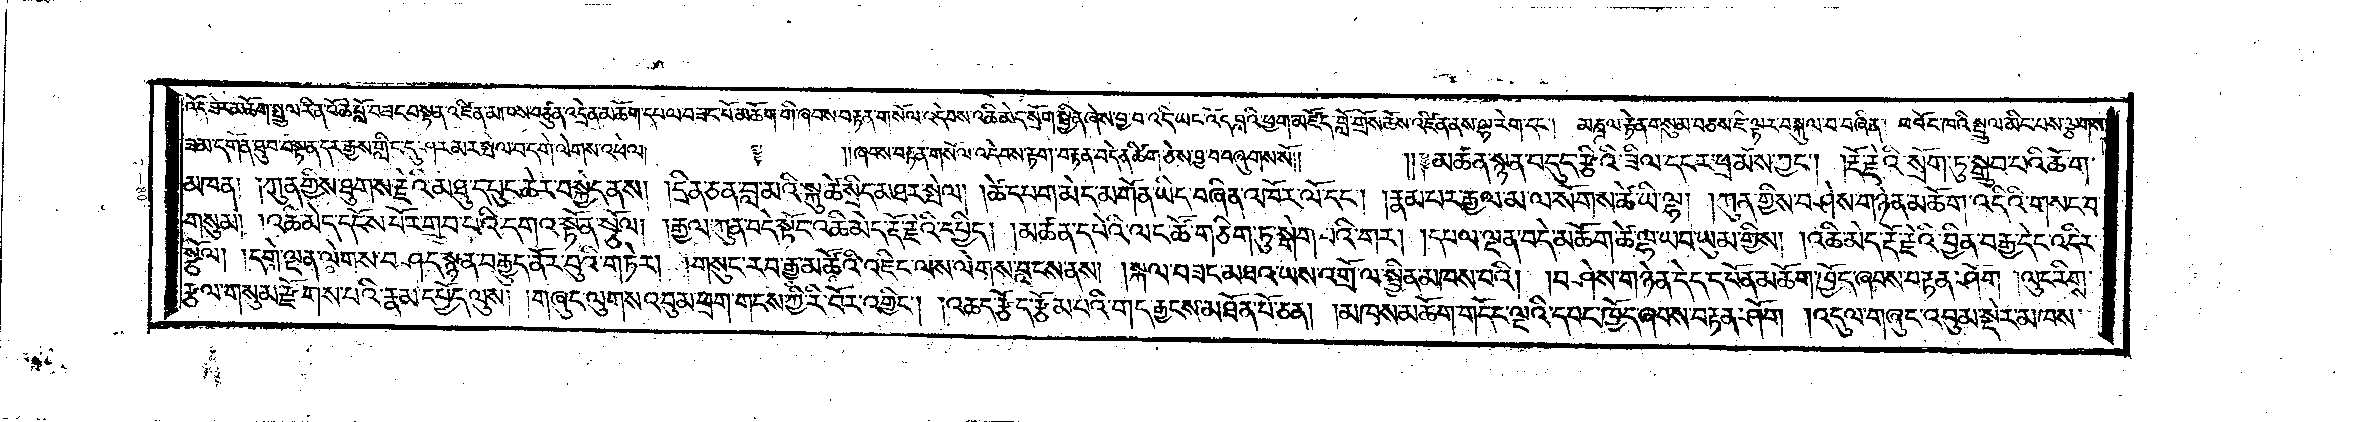འོད་ཟེར་མཆོག་སྦྲུལ་རིན་པོ་ཆེ་བློ་བཟང་བསྟན་འཛིན་མཁས་བཙུན་འདྲེན་མཆོག་དཔལ་བཟང་པོ་མཆོག་གི་ཞབས་བརྟན་གསོལ་འདེབས་འཆི་མེད་སྲོག་སྦྱིན་ཞེས་བྱ་བ་འདི་ཡང་འོད་བླའི་ཕྱག་མཛོད་བློ་གྲོས་ཆོས་འཛིན་ནས་ལྷ་རེག་དང་། མཎྜལ་རྟེན་གསུམ་བཅས་ཇི་ལྟར་བསྐུལ་བ་བཞིན། ཕ་བོང་ཁའི་སྤྲུལ་མིང་པས་ལྕགས་
ཟམ་དགོན་ཐུབ་བསྟན་དར་རྒྱས་གླིང་དུ་ཤར་མར་སྤེལ་པ་དགེ་ལེགས་འཕེལ།། ༈ །།ཞབས་བརྟན་གསོལ་འདེབས་རྟག་བརྟན་བདེན་ཚིག་ཅེས་བྱ་བ་བཞུགས་སོ།། །། ༈ མཚན་སྙན་བདུད་རྩིའི་ཟིལ་དངར་ཕྲ་མོས་ཀྱང་། །རྡོ་རྗེའི་སྲོག་ཏུ་སྒྲུབ་པའི་ཆོ་ག་
མཁན། །ཀུན་གྱིས་ཐུགས་རྗེའི་མཐུ་དཔུང་ཆེར་བསྐྱེད་ནས། །དྲིན་ཅན་བླ་མའི་སྐུ་ཚེ་སྲིད་མཐར་སྤེལ། །ཚེ་དཔག་མེད་མགོན་ཡིད་བཞིན་འཁོར་ལོ་དང་། །རྣམ་པར་རྒྱལ་མ་ལ་སོགས་ཚེ་ཡི་ལྷ། །ཀུན་གྱིས་བཤེས་གཉེན་མཆོག་འདིའི་གསང་བ་
གསུམ། །འཆི་མེད་དངོས་པོར་གྲུབ་པའི་དགའ་སྟོན་སྩོལ། །རྒྱལ་ཀུན་བདེ་སྟོང་འཆི་མེད་རྡོ་རྗེའི་དཔྱིད། །མཚན་དཔེའི་ལང་ཚོ་གཅིག་ཏུ་སྒེག་པའི་གར། །དཔལ་ལྡན་བདེ་མཆོག་ཚེ་ལྷ་ཡབ་ཡུམ་གྱིས། །འཆི་མེད་རྡོ་རྗེའི་བྱིན་བརྒྱ་དེང་འདིར་
སྩོལ། །དགེ་ལྡན་ལེགས་བཤད་སྙན་བརྒྱུད་ནོར་བུའི་གཏེར། །གསུང་རབ་རྒྱ་མཚོའི་འཇིང་ལས་ལེགས་བླངས་ནས། །སྐལ་བཟང་མཐའ་ཡས་འགྲོ་ལ་སྦྱིན་མཁས་པའི། །བཤེས་གཉེན་དེད་དཔོན་མཆོག་ཁྱོད་ཞབས་བརྟན་ཤོག །ལུང་རིགས་
རྩལ་གསུམ་རྫོགས་པའི་རྣམ་དཔྱོད་ལུས། །གཞུང་ལུགས་འབུམ་ཕྲག་གངས་ཀྱི་རི་བོར་འགྱིང་། །འཆད་རྩོད་རྩོམ་པའི་གད་རྒྱངས་མཐོན་པོ་ཅན། །མཁས་མཆོག་གདོང་ལྔའི་དབང་ཁྱོད་ཞབས་བརྟན་ཤོག །འདུལ་གཞུང་འབུམ་སྡེར་མཁས་